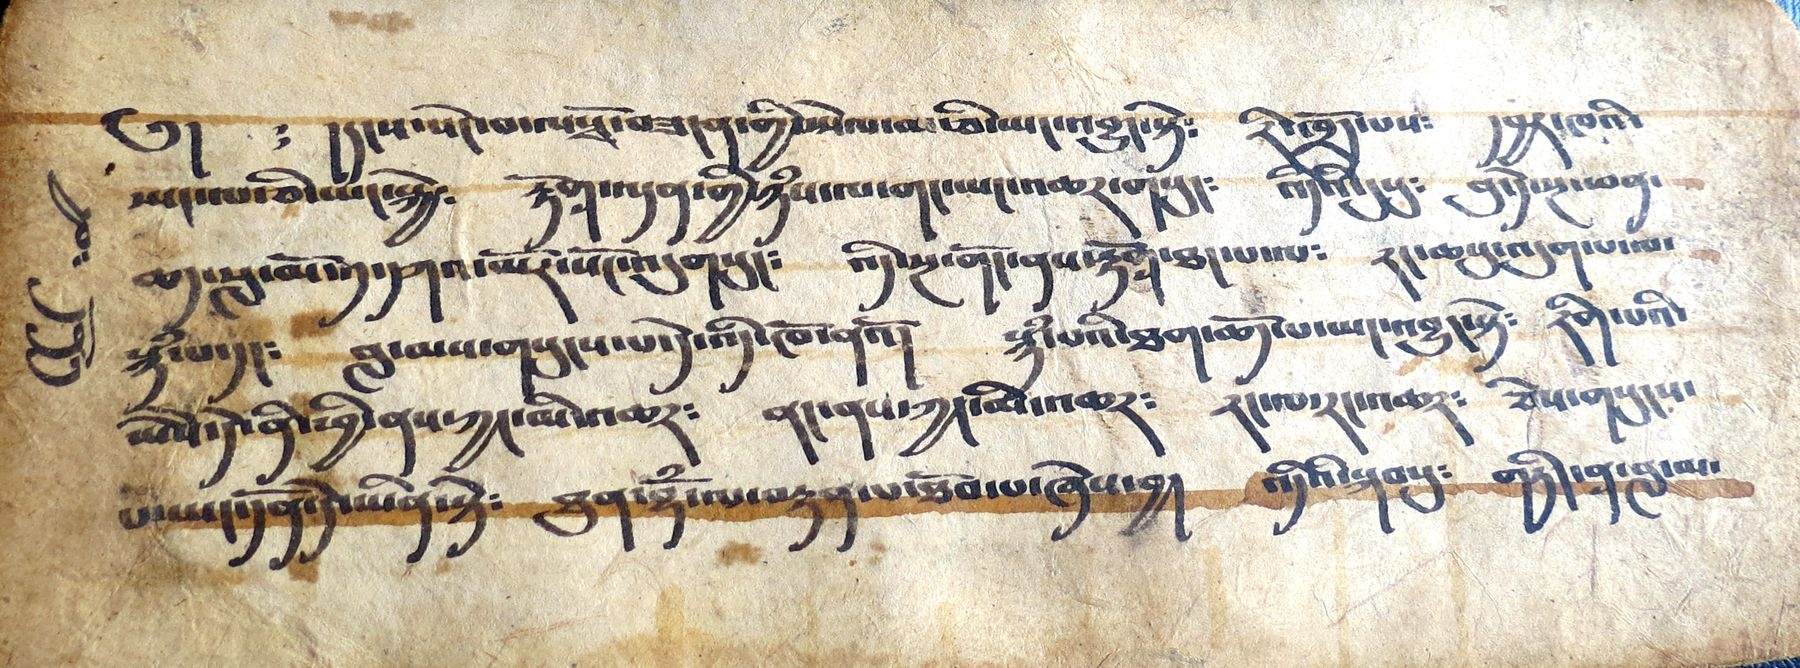དྭངས་སང་ངེ་བ་ལ་སོགས་བཟང་ངན་སྤེལ་མ་ཅི་ཡང་འབྱུང་སྟེ། རི་ཁྲོད་པས། དབྱར་ཁའི་
ས་ལ་ཅི་ཡང་སྐྱེ། རྟོགས་ལྡན་གྱི་ཉམས་ལ་གང་ཡང་འཆར་གསུངས། འདིའི་དུས་སུ། དེ་སྔ་ཕན་
ཆད་སླ་མོ་ཞིག་དཀའ་མོར་སོང་འདུག འདི་སྔ་གོང་ནས་རྟོགས་ཐང་པ་ལ། རང་ཆས་སུ་འདུག་པ་ལ་
སྙམ་པ་དང་། བླ་མས་གསུང་པ་དེ་འདི་ཁོ་ན་འོ་སྙམ་པའི་ཐག་ཆོད་པ་ཡང་འབྱུང་སྟེ། རིག་པའི་
ཡེ་ཤེས་དེ་ནི་ཕྱི་ནས་ཀྱང་མི་འཆར། ནང་ནས་ཀྱང་མི་འཆར། རང་ལ་རང་འཆར་ཞེས་གསུངས་
པ་ཡང་དོན་ཡིན་ཏེ། ཐུན་སྒོམ་ལ་བརྟེན་པ་ཐོབ་ཞེས་བྱ། འདིའི་སྐབས་སུ་གཏིང་ནས་བླ་མ་